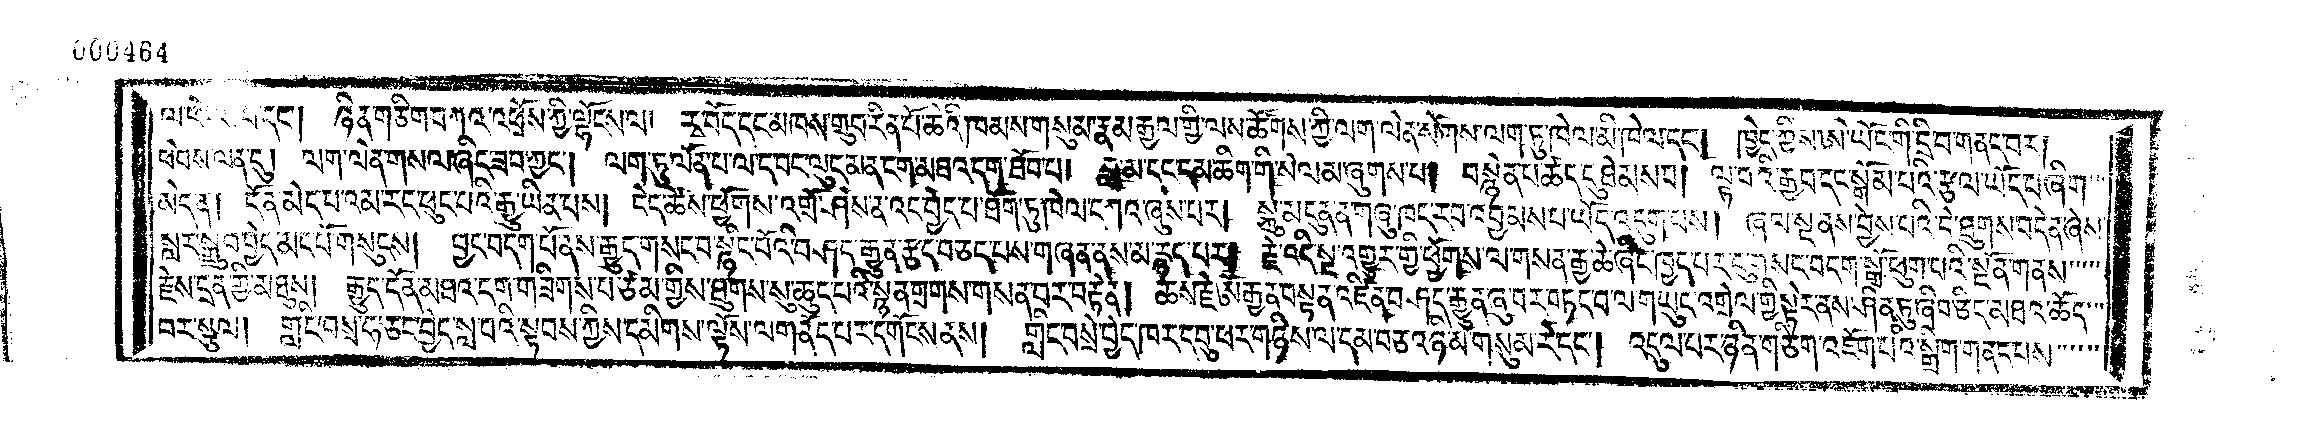ལ་ཕེབས་པ་དང་། ཉིན་གཅིག་བཀའ་འཕྲོས་ཀྱི་ལྷོངས་ལ། རྭ་བོད་དང་མཁས་གྲུབ་རིན་པོ་ཆེའི་ཁམས་གསུམ་རྣམ་རྒྱལ་གྱི་ལས་ཚོགས་ཀྱི་ལག་ལེན་སོགས་ལག་ཏུ་ཁེལ་མི་ཁེལ་དང་། ཁྱེད་ཀྱིས་ཨེ་ཡོང་གི་དྲི་བ་གནང་བར།
ཕེབས་ལན་དུ། ལག་ལེན་གསལ་ཞིང་ཟབ་ཀྱང་། ལག་ཏུ་ལོན་པ་ལ་དབང་ལུང་མན་ངག་མཐའ་དག་ཐོབ་པ། བླ་མ་དང་དམ་ཚིག་གི་སེལ་མ་ཞུགས་པ། བསྙེན་པ་ཚད་དུ་ཐེམས་པ། ལྟ་བའི་རྒྱབ་དང་སྒོམ་པའི་རྩལ་ཡོད་བ་ཞིག་
མེད་ན། དོན་མེད་པའམ་རང་ཕུང་བའི་རྒྱུ་ཡིན་པས། ངེད་ཚོས་ཕྱོགས་འགྲོ་ཤེས་ནའང་བྱེད་པ་ཐོག་ཏུ་ཁེལ་དཀའ་ཞུས་པར། སྐུ་མདུན་ན་གཞུ་ཁང་རབ་འབྱམས་པ་ཡོད་འདུག་པས། ཞལ་སྔ་ནས་བྱེས་པའི་དེ་ཐུགས་བདེན་ཞེས་
སླར་སྒྲུབ་བྱེད་མང་པོ་གསུངས། བྱང་བདག་པོ་ནས་རྒྱུད་གསང་བ་སྙིང་པོའི་བཤད་རྒྱུན་རྩད་བཅད་པས་གཞན་ནས་མ་རྙེད་པར། རྗེ་འདི་སྔ་འགྱུར་གྱི་ཕྱོགས་ལ་གསན་རྒྱ་ཆེ་ཞིང་ཁྱད་པར་དུ་གསང་བདག་སྒྲོ་ཕུག་པའི་སྔོན་གནས་
རྗེས་དྲན་གྱི་མཐུས། རྒྱུད་དོན་མཐའ་དག་གཟིགས་པ་ཙམ་གྱིས་ཐུགས་སུ་ཆུད་པའི་སྙན་གྲགས་གསན་པར་བརྟེན། ཆོས་རྗེ་ཨོ་རྒྱན་བསྟན་འཛིན་བཤད་རྒྱུན་ཞུ་བར་བཏང་བ་ལ་གཡུང་འགྲེལ་གྱི་སྟེང་ནས་ཤིན་ཏུ་ཞིབ་ཅིང་མཐའ་ཆོད་
པར་སྩལ། གླིང་བསྲེ་ཧ་ཅང་བྱེད་སླ་བའི་སྟབས་ཀྱིས་དམིགས་ལྟོས་ལ་གནོད་པར་དགོངས་ནས། གླིང་བསྲེ་བྱེད་ཁར་དབུ་ཕར་གཉིས་ལ་དམ་བཅའ་ཉི་མ་གསུམ་རེ་དང་། འདུལ་པར་ཉིན་གཅིག་འཇོག་པའི་སྒྲིག་གནང་བས་